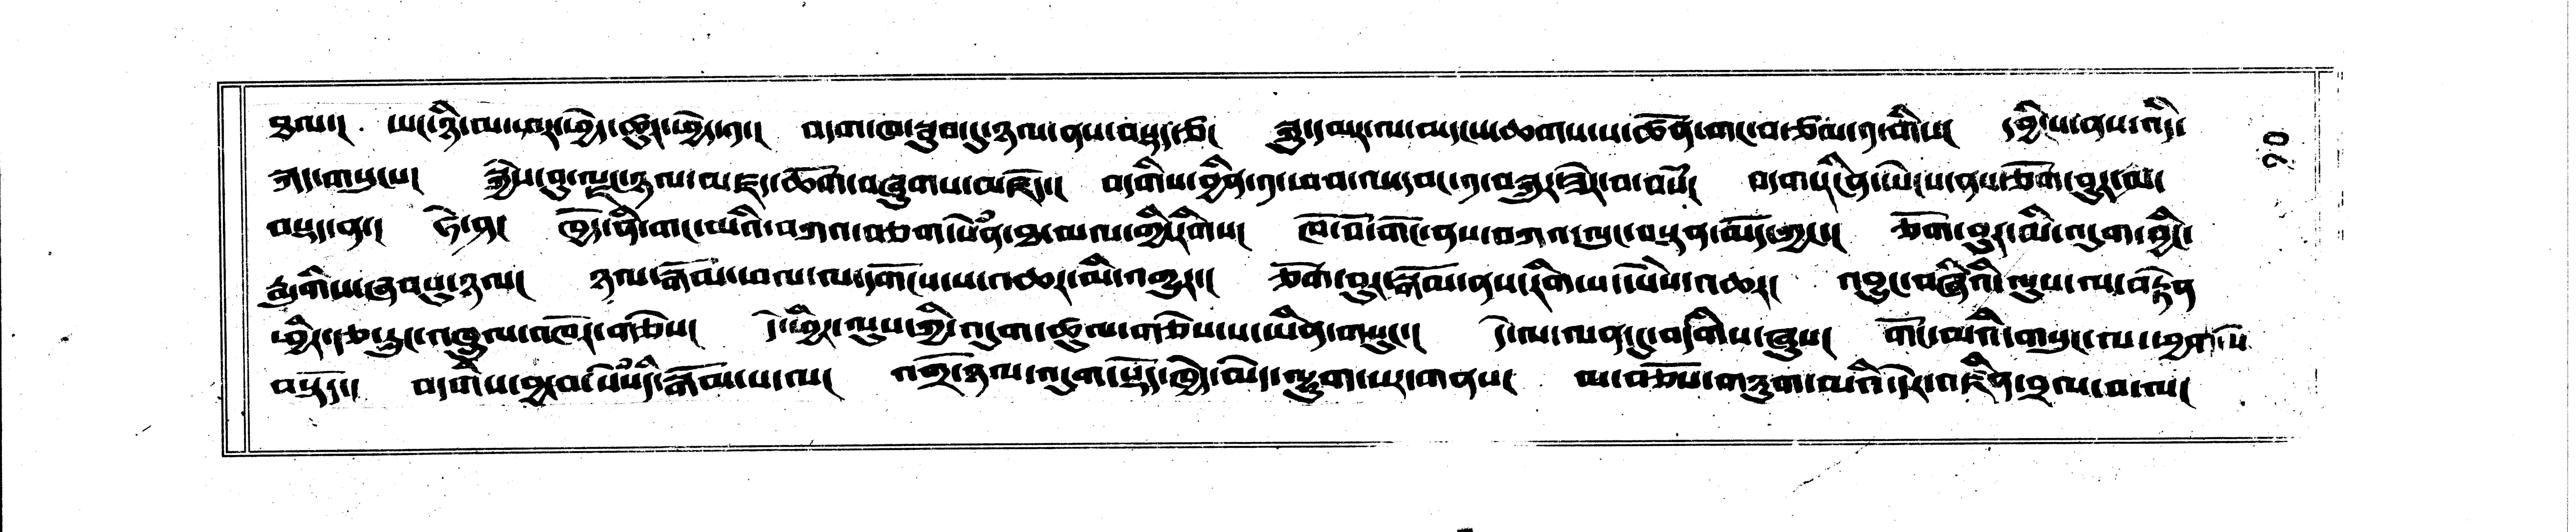ཐལ། ཡང་ཉི་མ་ཕར་ཕྱེད་ཚུར་ཕྱེད་གཅིག བདག་ཁ་སྦུབ་དུ་ཉལ་ནས་བསྡད་ཙ། སྐུ་དམར་ལ་མདངས་ཆགས་པ་ཚོན་གང་བ་ཙམ་གཅིག་གིས། དབྱིངས་ནས་འདི་
སྐད་གསུངས། སྐྱེས་བུ་ལྗང་ཉལ་མཛད་ཆོག་བཞུགས་མཛོད། བདག་གིས་བྱིན་གཅིག་ཕབ་ལ་དབང་གཅིག་བསྐུར་ཟེར་བ་བསམ། བདག་རང་བཞིན་ཡེངས་ནས་ཅོག་བུར་མ་
བསྡད་ན། ཧེ་ཤ། ཁྱོད་ནི་གོང་མའི་བཀའ་བཅག་སེམས་ཅན་ཐ་མལ་གྱི་རིགས། ཁོ་བོ་གོང་ནས་བཀའ་ལུང་བསྟན་མོད་ཀྱང་། ཅོག་བུར་མི་འདུག་བྱིང་
རྨུག་གིས་ཞབས་སུ་ཉལ། ཉལ་སྒོམ་ཕལ་ལ་དགོངས་པ་འཆར་མི་འགྱུར། ཅོག་བུར་སྒོམ་ནས་རིག་པ་ཡེ་ཤེས་འཆར། འབྱུང་བཞིའི་ལུས་ལ་བརྟེན་
ཕྱིར་རྩ་རླུང་འཁྲུལ་འཁོར་གཅེས། དེ་ཕྱིར་ལུས་ཀྱི་འདུག་ཚུལ་གཅེས་པ་ཡིན་གསུང་། དེ་ལ་ལན་དུ་བདག་གིས་ཞུས། གོང་མའི་གསུང་ལ་ཕྱག་འཚལ་
བསྟོད། བདག་གིས་བྱང་ཆུབ་སེམས་ཉིད་སྒོམ་པ་ལ། འགྲོ་ཉལ་འདུག་སྡོད་ཁྱེད་མེད་ལྷུག་པར་གནས། མ་བཅོས་གཉུག་མའི་དེར་འཛིན་བྲལ་བ་ལ།